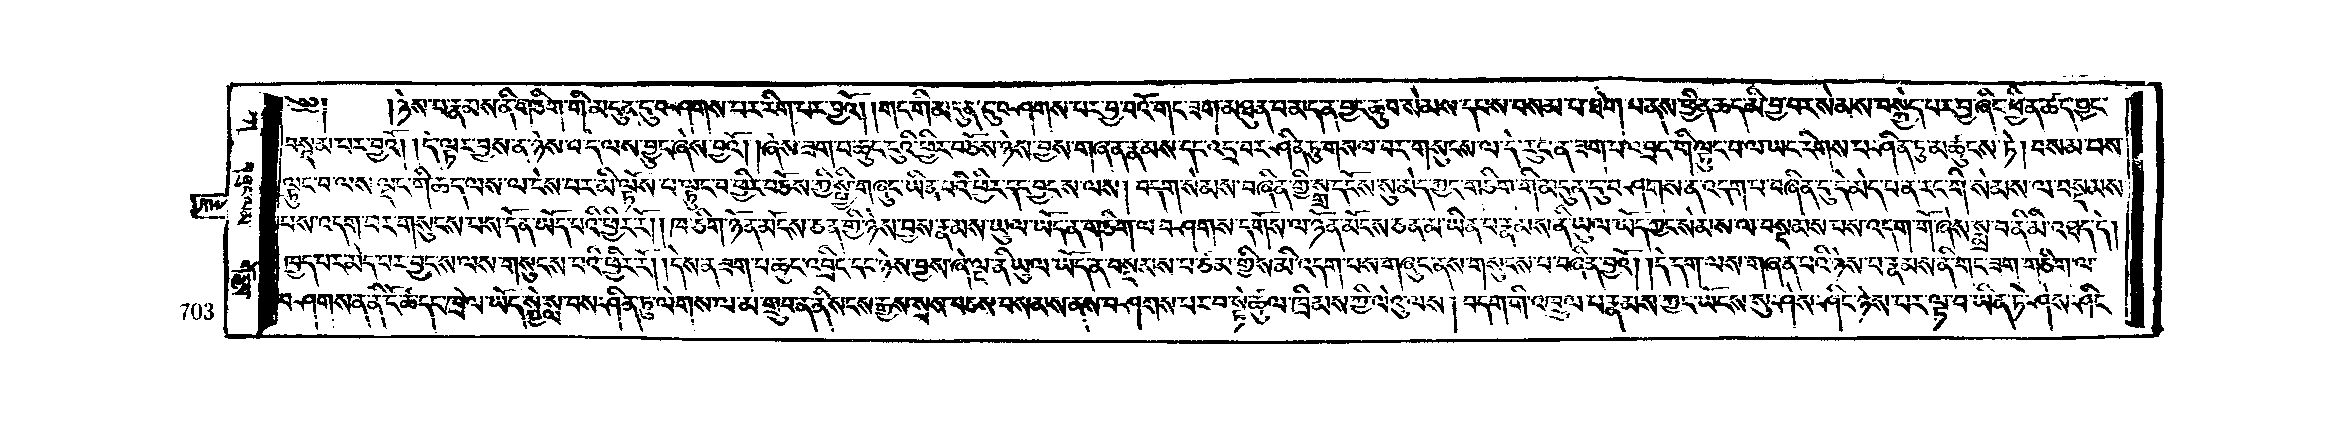༄༅། །ཉེས་པ་རྣམས་ནི་གཅིག་གི་མདུན་དུ་བཤགས་པར་རིག་པར་བྱའོ། །གང་གི་མདུན་དུ་བཤགས་པར་བྱ་བའོ་གང་ཟག་མཐུན་པ་མད་ན་བྱང་ཆུབ་སེམས་དཔས་བསམ་པ་ཐེག་པ་ནས་ཕྱིན་ཆད་མི་བྱ་བར་སེམས་བསྐྱེད་པར་བྱ་ཞིང་ཕྱིན་ཚད་བྱང་
བསྡམ་པར་བྱའོ། །དེ་ལྟར་བྱས་ན་ཉེས་པ་དེ་ལས་བྱུང་ཞེས་བྱའོ། །ཞེས་ཟག་པ་ཆུང་ངུའི་ཕྱིར་བཅོས་ཉེས་བྱས་གཞན་རྣམས་དང་འདྲ་བར་ཤིན་ཏུ་གསལ་བར་གསུངས་ལ་དེ་རུང་ན་ཟག་པ་འབྲང་གི་ལྟུང་བ་ལ་ཡང་རིགས་པ་ཤིན་ཏུ་མཚུངས་ཏེ། བསམ་པས་
ལྟུང་བ་ལས་ལྡང་གི་ཆད་ལས་ལ་ངེས་པར་མི་ལྟོས་པ་ལྟུང་བ་ཕྱིར་བཅོས་ཀྱི་སྤྱི་གཞུང་ཡིན་པའི་ཕྱིར་དང་བྱངས་ལས། བདག་སེམས་བཞིན་གྱི་སྒྲ་དངོས་སུ་མེད་ཀྱང་གཅིག་གི་མདུན་དུ་བཤགས་ན་འདག་པ་བཞིན་དུ་དེ་མེད་པ་ན་རང་གི་སེམས་ལ་བསྡམས་
པས་འདག་པར་གསུངས་པས་དོན་ཡོད་པའི་ཕྱིར་རོ། །ཁ་ཅིག་ཉོན་མོངས་ཅན་གྱི་ཉེས་བྱས་རྣམས་ཡུལ་ཡོད་ན་གཅིག་ལ་བཤགས་དགོས་ལ་ཉོན་མོངས་ཅན་མ་ཡིན་པ་རྣམས་ནི་ཡུལ་ཡོད་ཀྱང་སེམས་ལ་བསྡམས་པས་འདག་གོ་ཞེས་སྨྲ་བ་ནི་མི་འཐད་དེ།
ཁྱད་པར་མེད་པར་བྱང་ས་ལས་གསུངས་པའི་ཕྱིར་རོ། །དེས་ན་ཟག་པ་ཆུང་འབྲིང་དང་ཉེས་བྱས་ཞེ་ལྔ་ནི་ཡུལ་ཡོད་ན་བསྡམས་པ་ཙམ་གྱིས་མི་འདག་པས་གཞུང་ནས་གསུངས་པ་བཞིན་བྱའོ། །དེ་དག་ལས་གཞན་པའི་ཉེས་པ་རྣམས་ནི་གང་ཟག་གཅིག་ལ་
བཤགས་ན་ནི་ངོ་ཚ་དང་ཁྲེལ་ཡོད་སྐྱེ་སླ་བས་ཤིན་ཏུ་ལེགས་ལ་མ་གྲུབ་ན་ནི་སངས་རྒྱས་སྲས་བཅས་བསམས་ནས་བཤགས་པར་བ་སྟེ་ཚུལ་ཁྲིམས་ཀྱི་ལེའུ་ལས། བདག་གི་འཁྲུལ་པ་རྣམས་ཀྱང་ཡོངས་སུ་ཤེས་ཤིང་ཉེས་པར་ལྟ་བ་ཡིན་ཏེ་ཤེས་ཤིང་